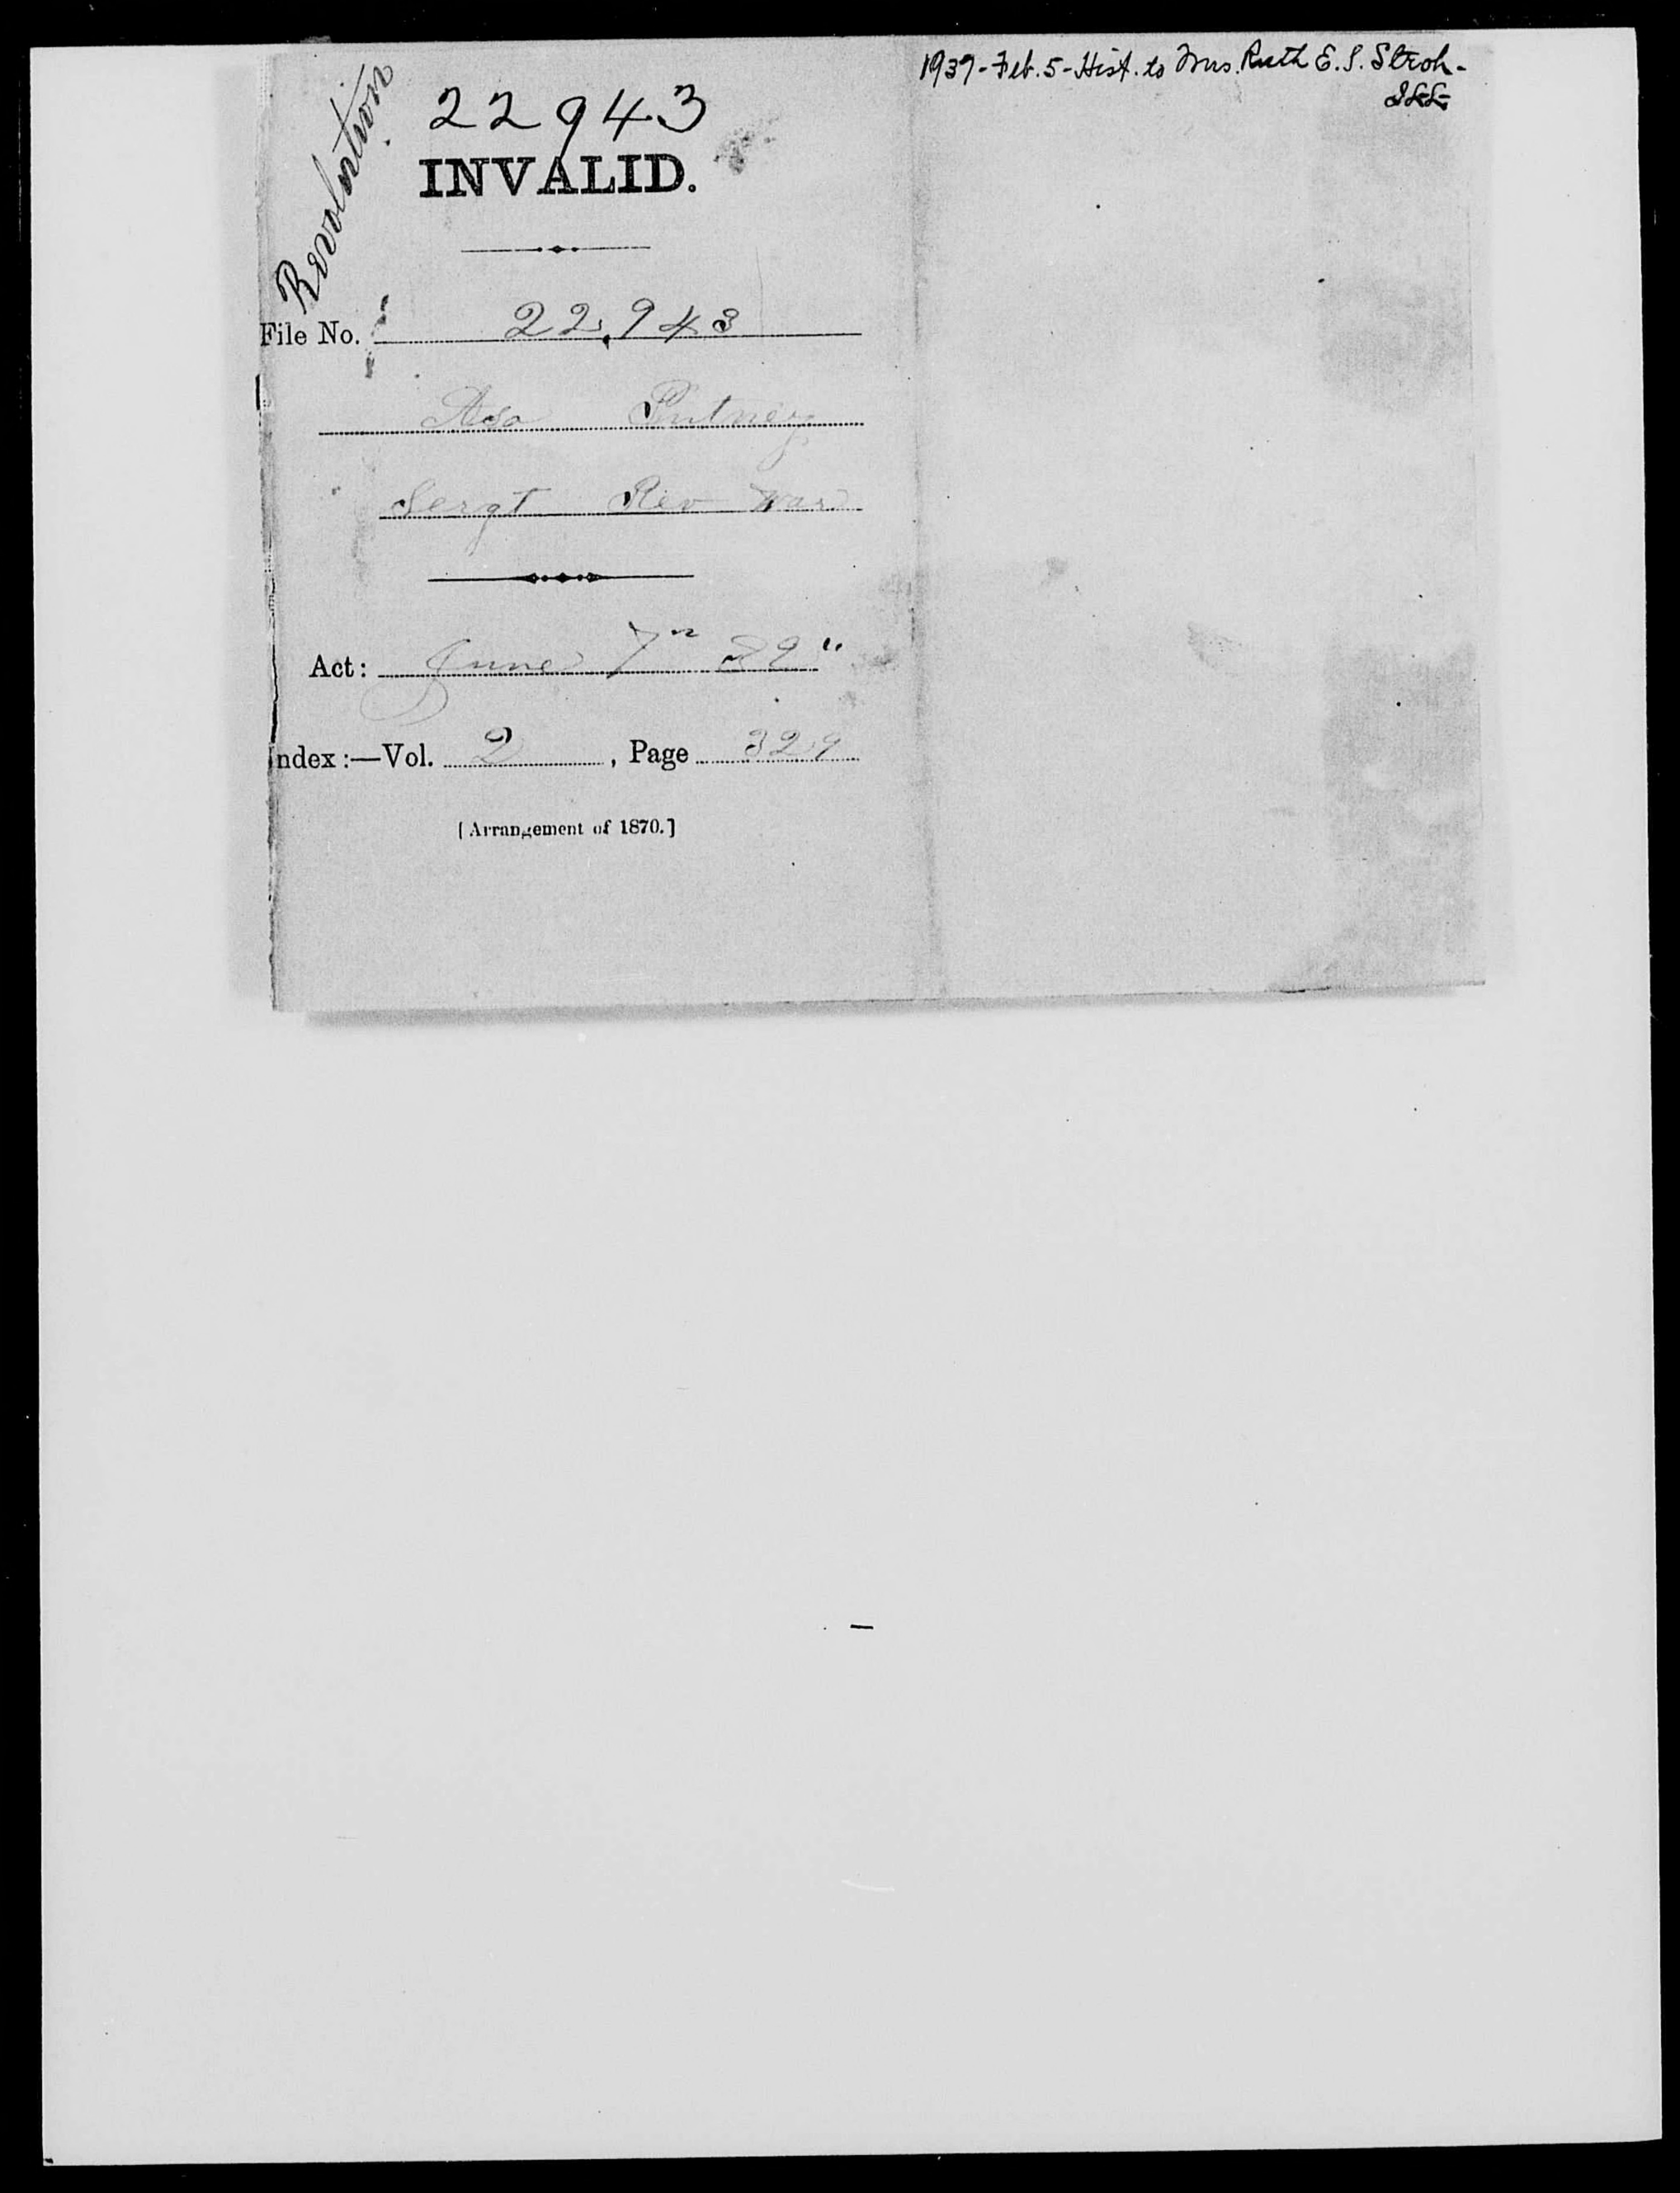[left side of page]

Revolution

22943
INVALID.

File No.  22,943

Asa Putney
Sergt  Rev  War

Act:  June 7"  32"
Index:---Vol. 2, Page 329
[Arrangement of 1870.]

[right side of page]

1939--Feb. 5--Hist. to Mrs. Ruth E.S. Stroh--ILL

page: 9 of 14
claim: survivor's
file: S. 22943, for Asa Putney, New Hampshire